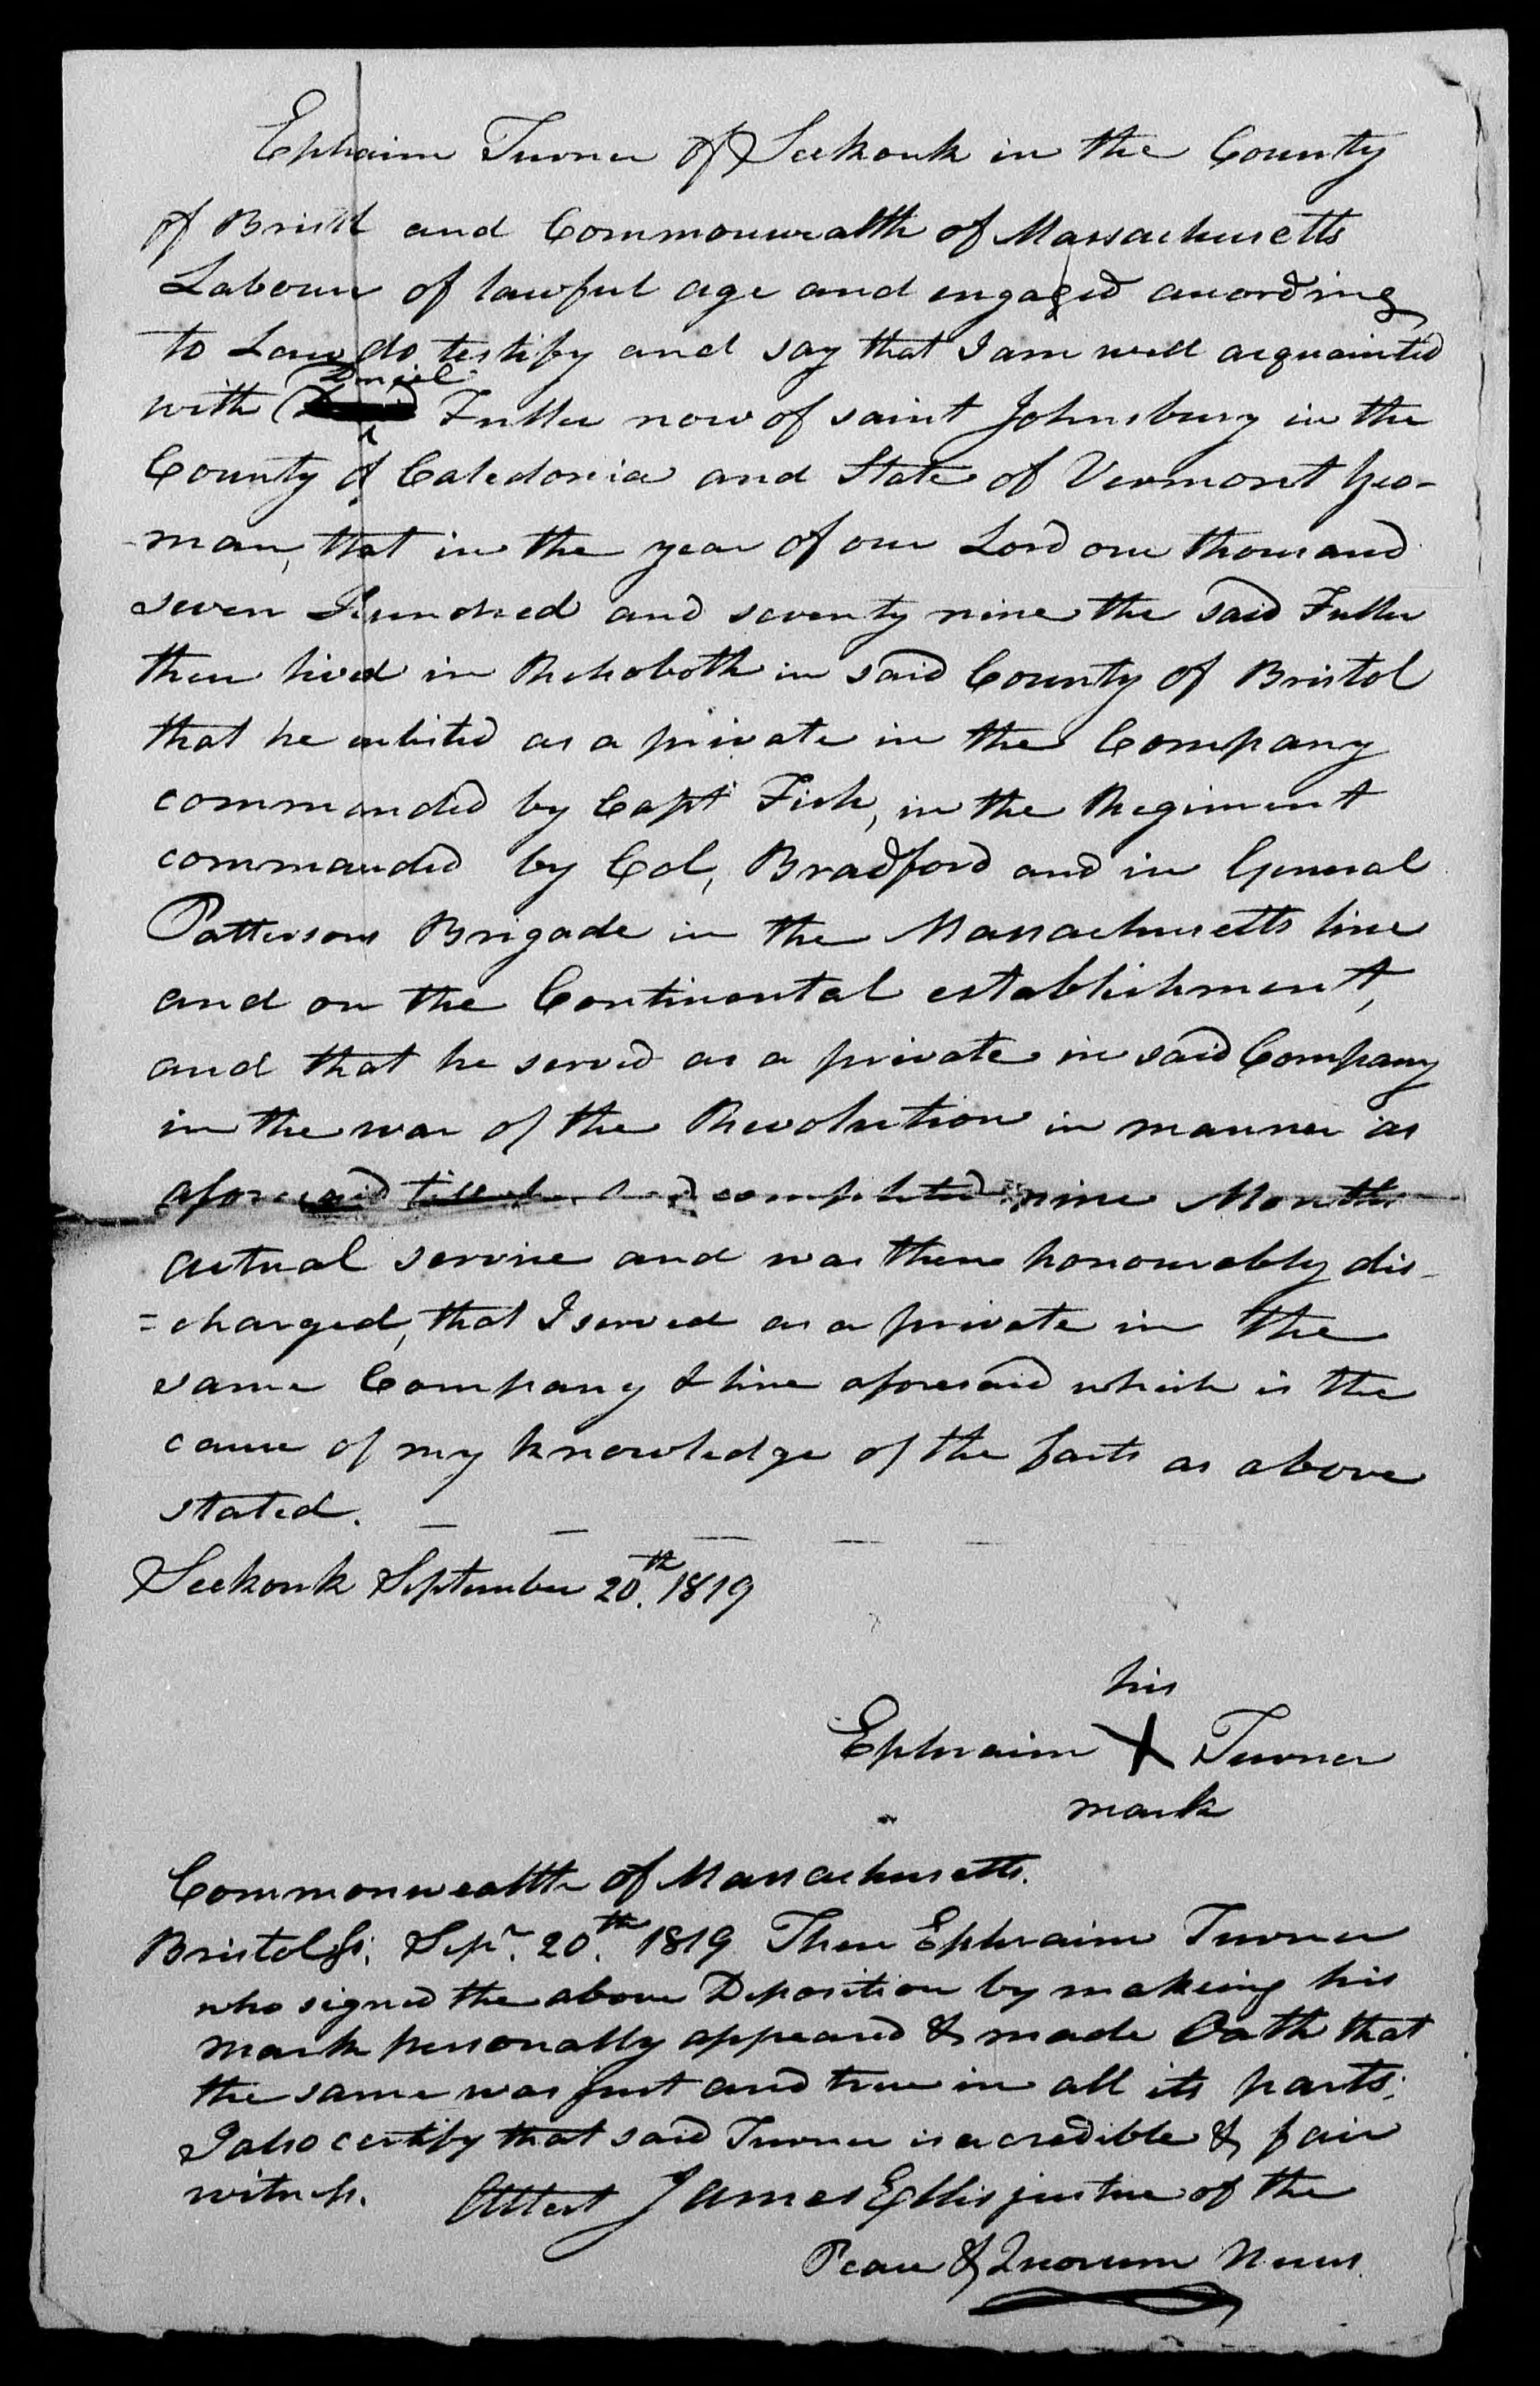Ephraim Turner of Seekonk in the County of Bristol and Commonwealth of Massachusetts Laborer of lawful age and engaged according to Law do testify and say that I am well acquainted with Daniel Fuller now of Saint Johnsbury in the County of Caledonia and State of Vermont, yeoman, that in the year of our Lord one thousand eight hundred and seventy nine the said Fuller then lived in Rehoboth in said County of Bristol that he enlisted as a private in the 
commanded by Capt Fisk, in the Regiment commanded by Col. Bradford and in General Pattersons Brigade in the Massachusetts line and on the Continental establishment, and that he served as a private in said Company in the war of the Revolution in manner as aforesaid till he and some enlisted nine Months actual service and was there was honorably discharged, that I served as a private in the same Company as him aforesaid which is the course of my knowledge of the facts above stated. - - - - 
Seekonk September 20th 1819
Ephraim Turner His X mark

Commonwealth of Massachusetts .
Bristol ss. Sep.r 20th 1819 Then Ephraim
who signed the above by making his mark personally appeared & made Oath that the same was just and true in all its parts; I also certify that said Turner is a credible & fair witness.
Attest James Ellis justice of the Peace & Quorum Mass.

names: Ephraim Turner, Fuller, Fisk, Daniel Fuller, Ephraim Turner, Bradford, Ephraim Turner, James Ellis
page: 23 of 29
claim: survivor's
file: S. 18830, Daniel Fuller, Mass.